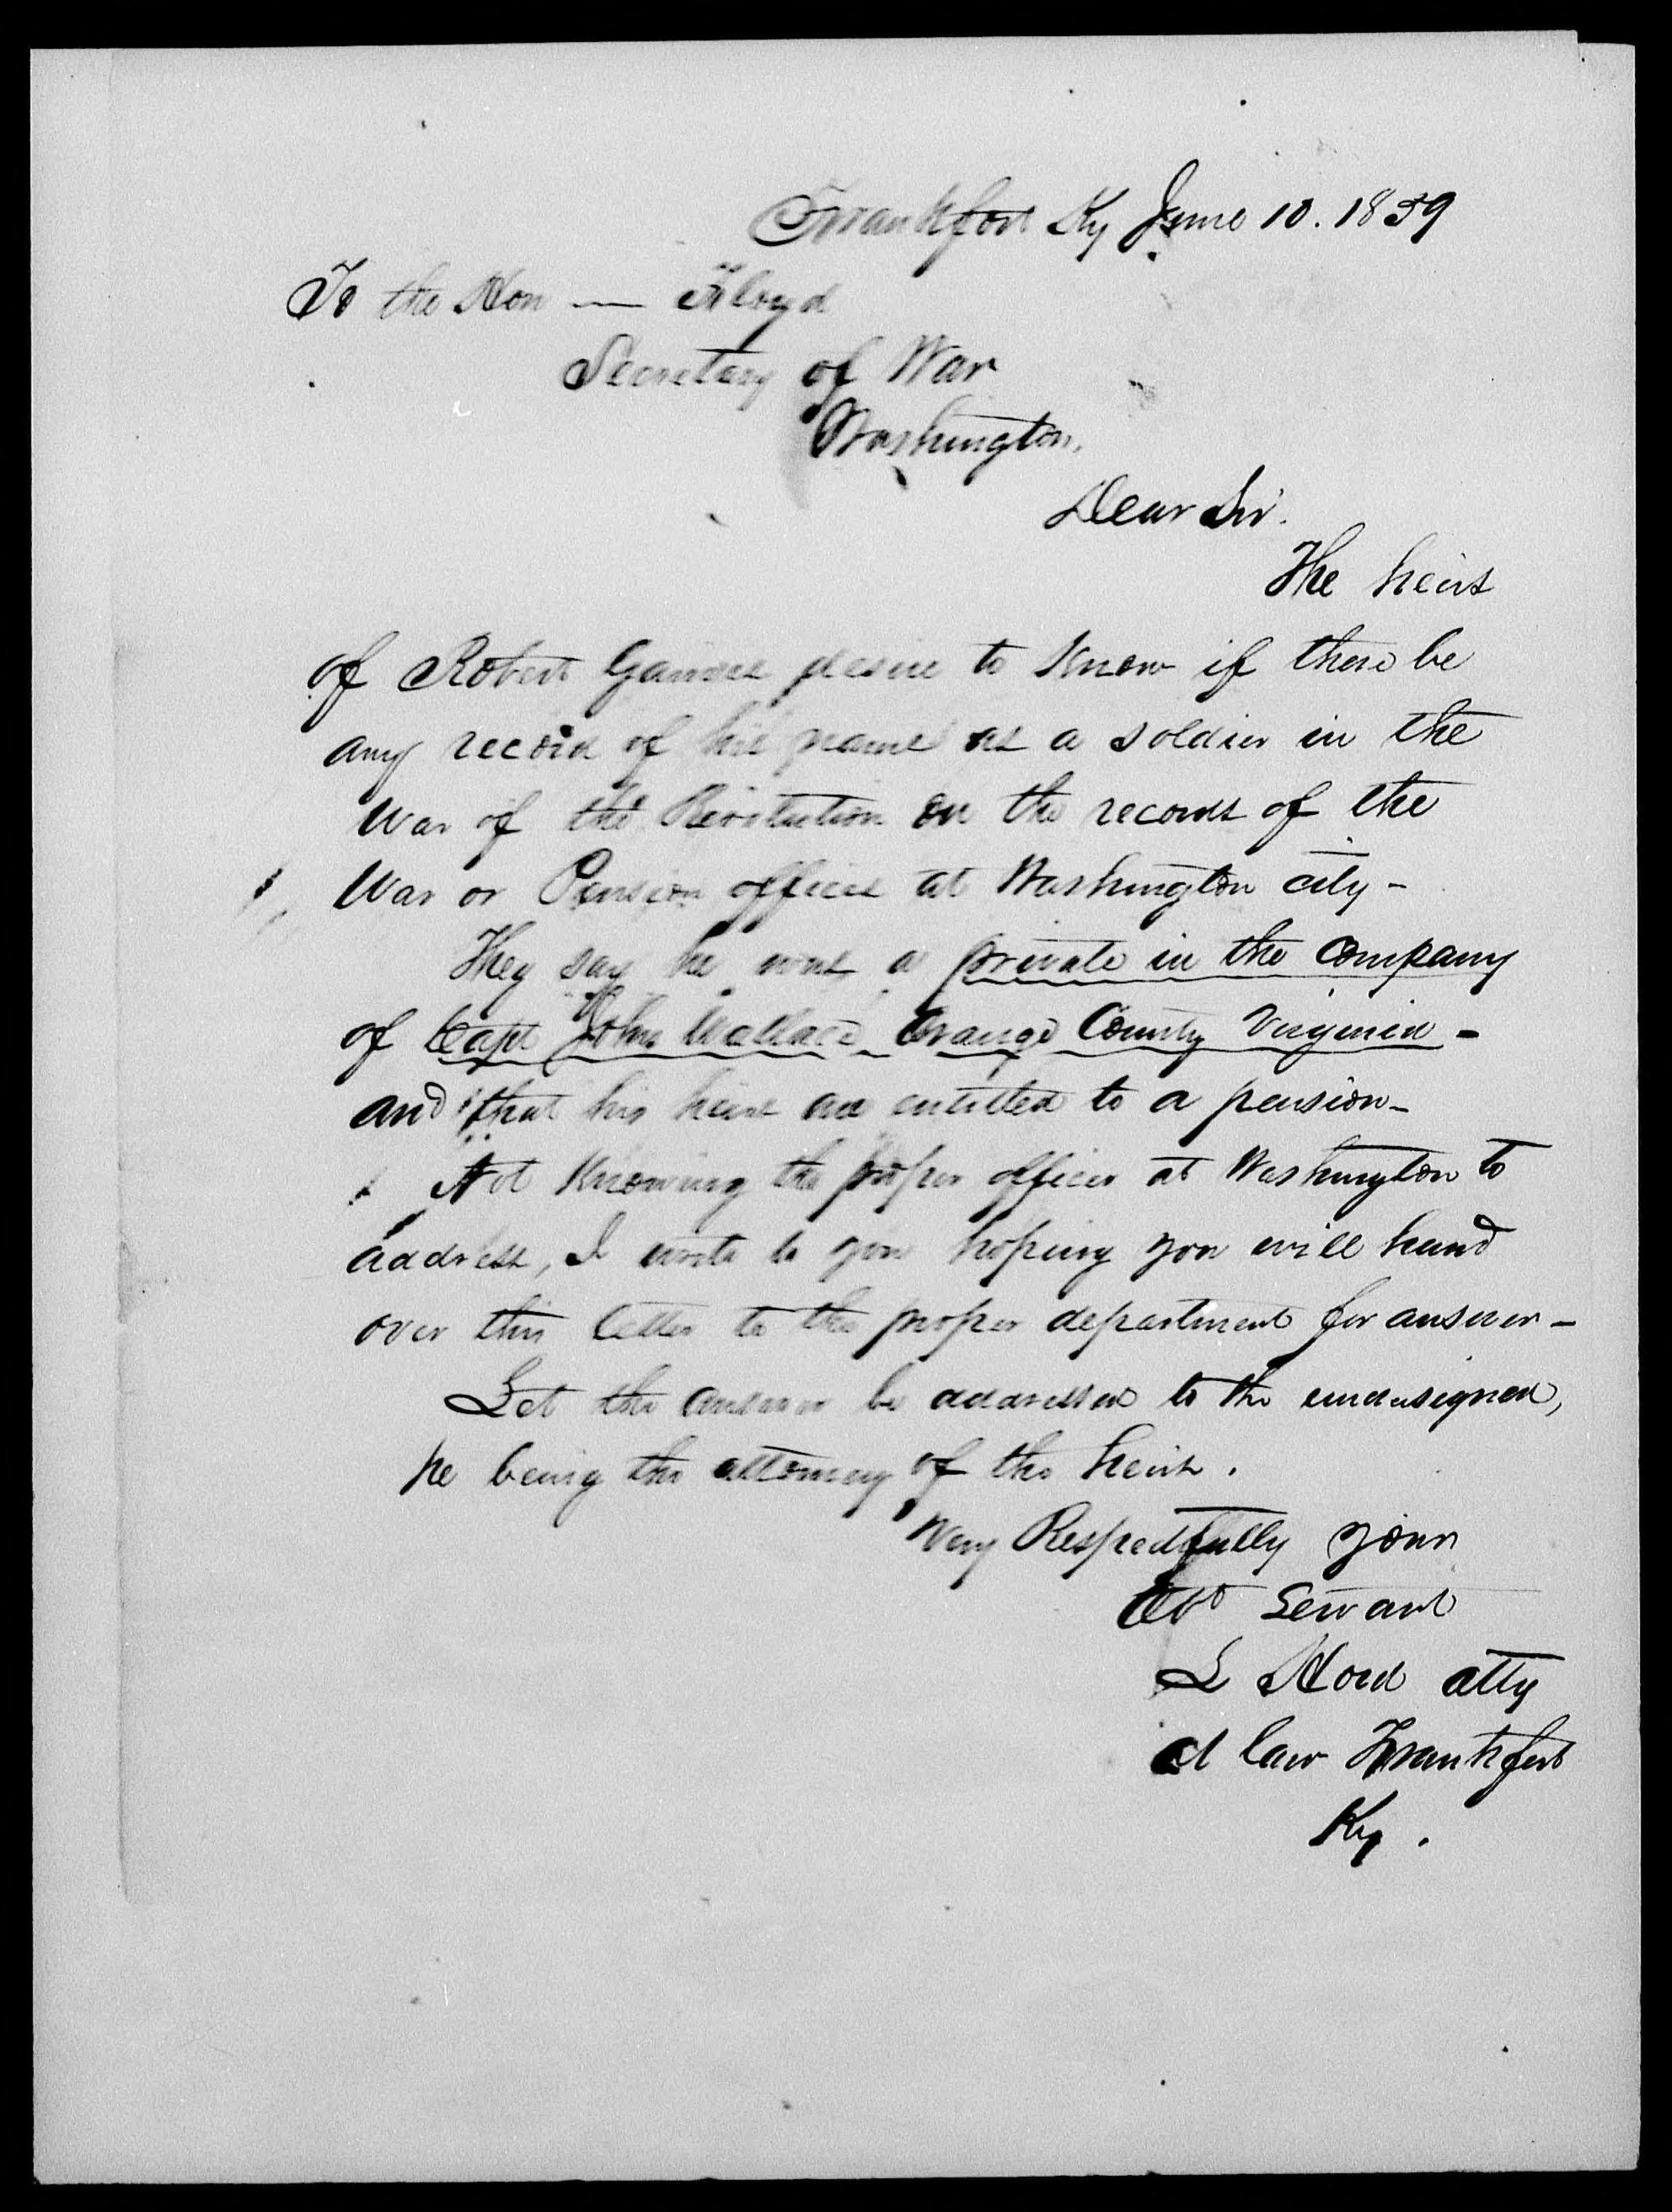Frankfort Ky June 10. 1839
To the Hon - Floyd
Secretary of War
Washington
Dear Sir:
The heirs
of Robert Gansel desire to know if there be
any record of his name as a soldier in the
War of the Revolution on the records of the
War or Pension Office at Washington City -
They say he was a private in the company
of Capt John Wallace Orange County Virginia
and that his heirs are entitled to a pension -
Not knowing the proper officer at Washington to
Address, I write to you hoping you will hand
over this letter to the proper department for answer
Let the answer be addressed to the undersigned,
he being the attorney of the heirs
Very Respectfully your
Opt Servant
L Hord atty
at law Frankfort
Ky.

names: John Wallace, L Hord, Robert Gaines, Floyd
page: 76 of 79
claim: rejected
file: R. 3863, Robert Gaines, Va.